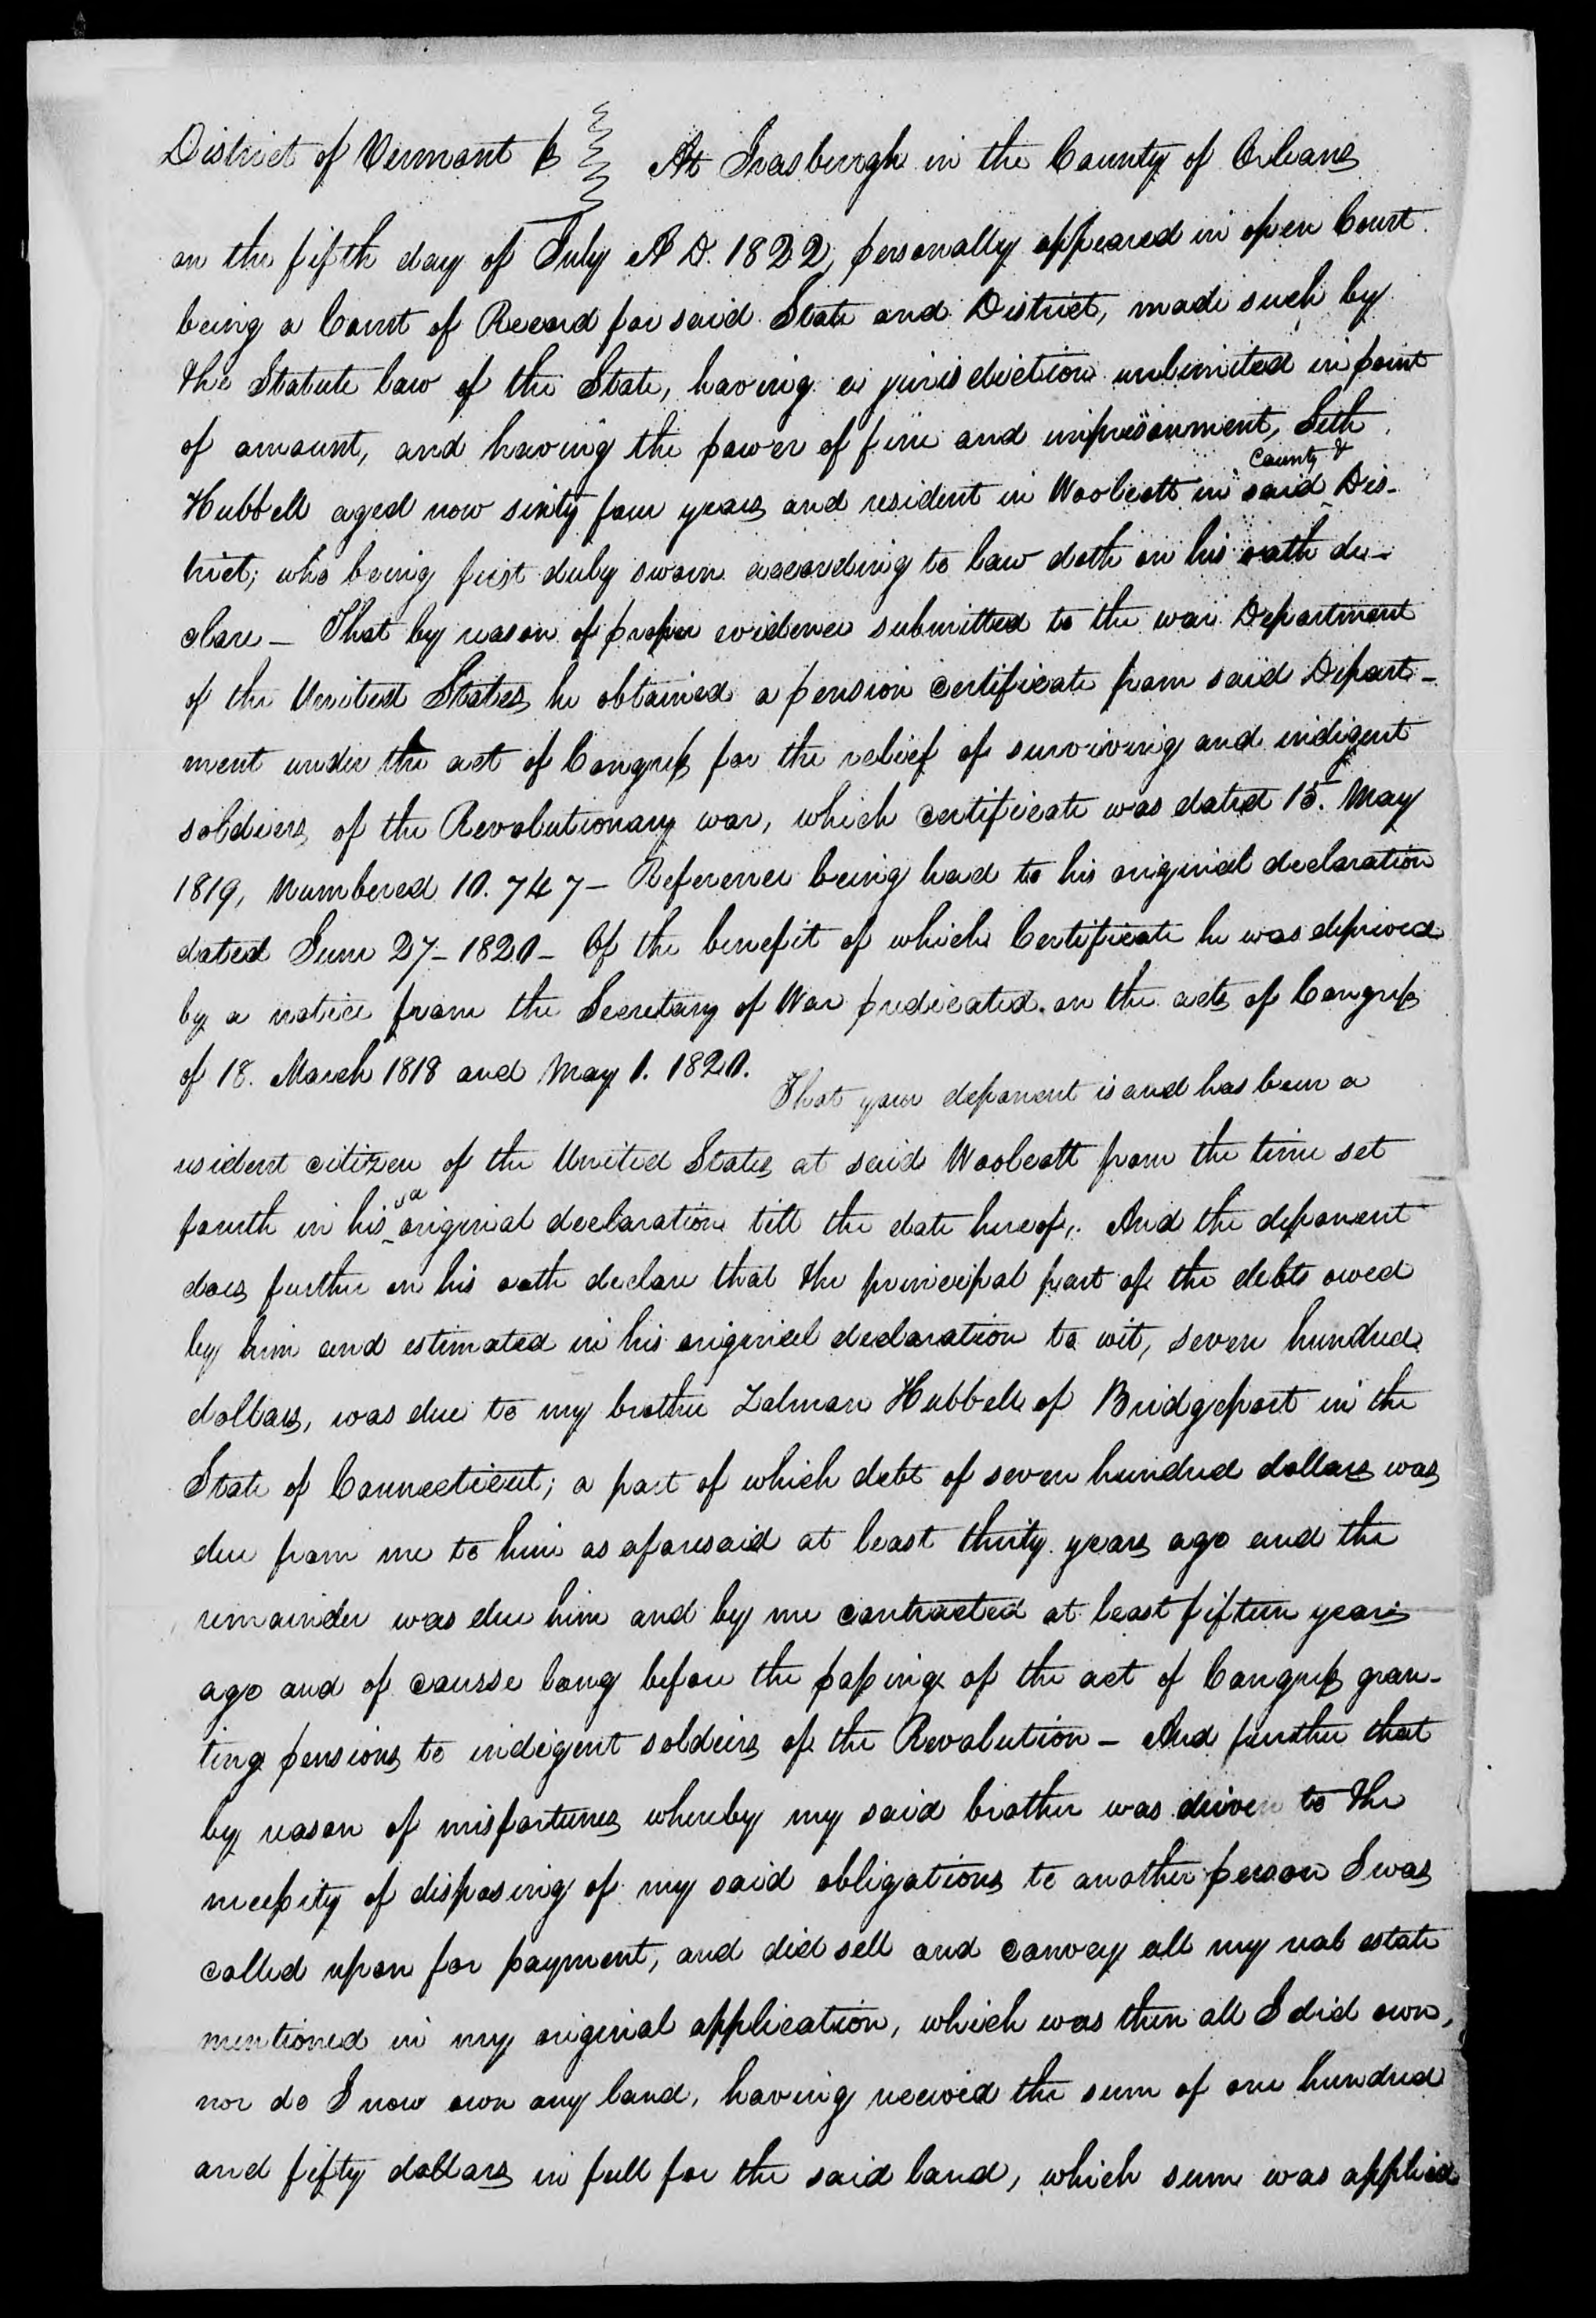District of Vermont ss
At Irasburgh in the County of Orleans on the fifth day of July AD 1822 personally appeared in open Court being a Court of Record for said State and District made such by the Statute law of the State, having a jurisdiction [illegible] in point of amount, and having the power of fine and imprisonment, Seth Hubbell aged now sixty four years and resident in Woolcott in said ^County &^ District; who being first duly sworn according to law doth on his oath declare _ That by reason of proper evidence submitted to the war Department of the United States he obtained a pension certificate from said Department under the act of Congress for the relief of surviving and indigent soldiers of the Revolutionary war, which certificate was dated 15. May 1819, numbered 10.747 - Reference being had to his original declaration dated June 27_1820_ Of the benefit of which certificate he was deprived by a notice from the Secretary of War predicated on the acts of Congress of 18. March 1818 and May 1. 1820.
That your deponent is and has been a resident citizen of the United States at said Woolcott from the time set forth in his original declaration till the date hereof. And the deponent does further in his oath declare that the principal part of the debts owed by him and estimated in his original declaration to wit, seven hundred dollars, was due to my brother Zalmon Hubbell of Bridgeport in the State of Connecticut; a part of which debt of seven hundred dollars was due from me to him as aforesaid at least thirty years ago and the remainder was due him and by me contracted at least fifteen years ago and of course long before the passing of the act of congress granting pensions to indigent soldiers of the Revolution_ And further that by reason of misfortunes whereby  my said brother was driven to the necessity of disposing of my said obligations to another person I was called upon for payment, and did sell and convey all my real estate mentioned in my original application, which was then all I did own, nor do I now own any land, having received the sum of one hundred and fifty dollars in full for the said land, which sum was applied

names: Zalmon Hubbell, Seth Hubbell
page: 88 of 114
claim: widow's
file: W. 2115, Seth Hubbell, Conn.